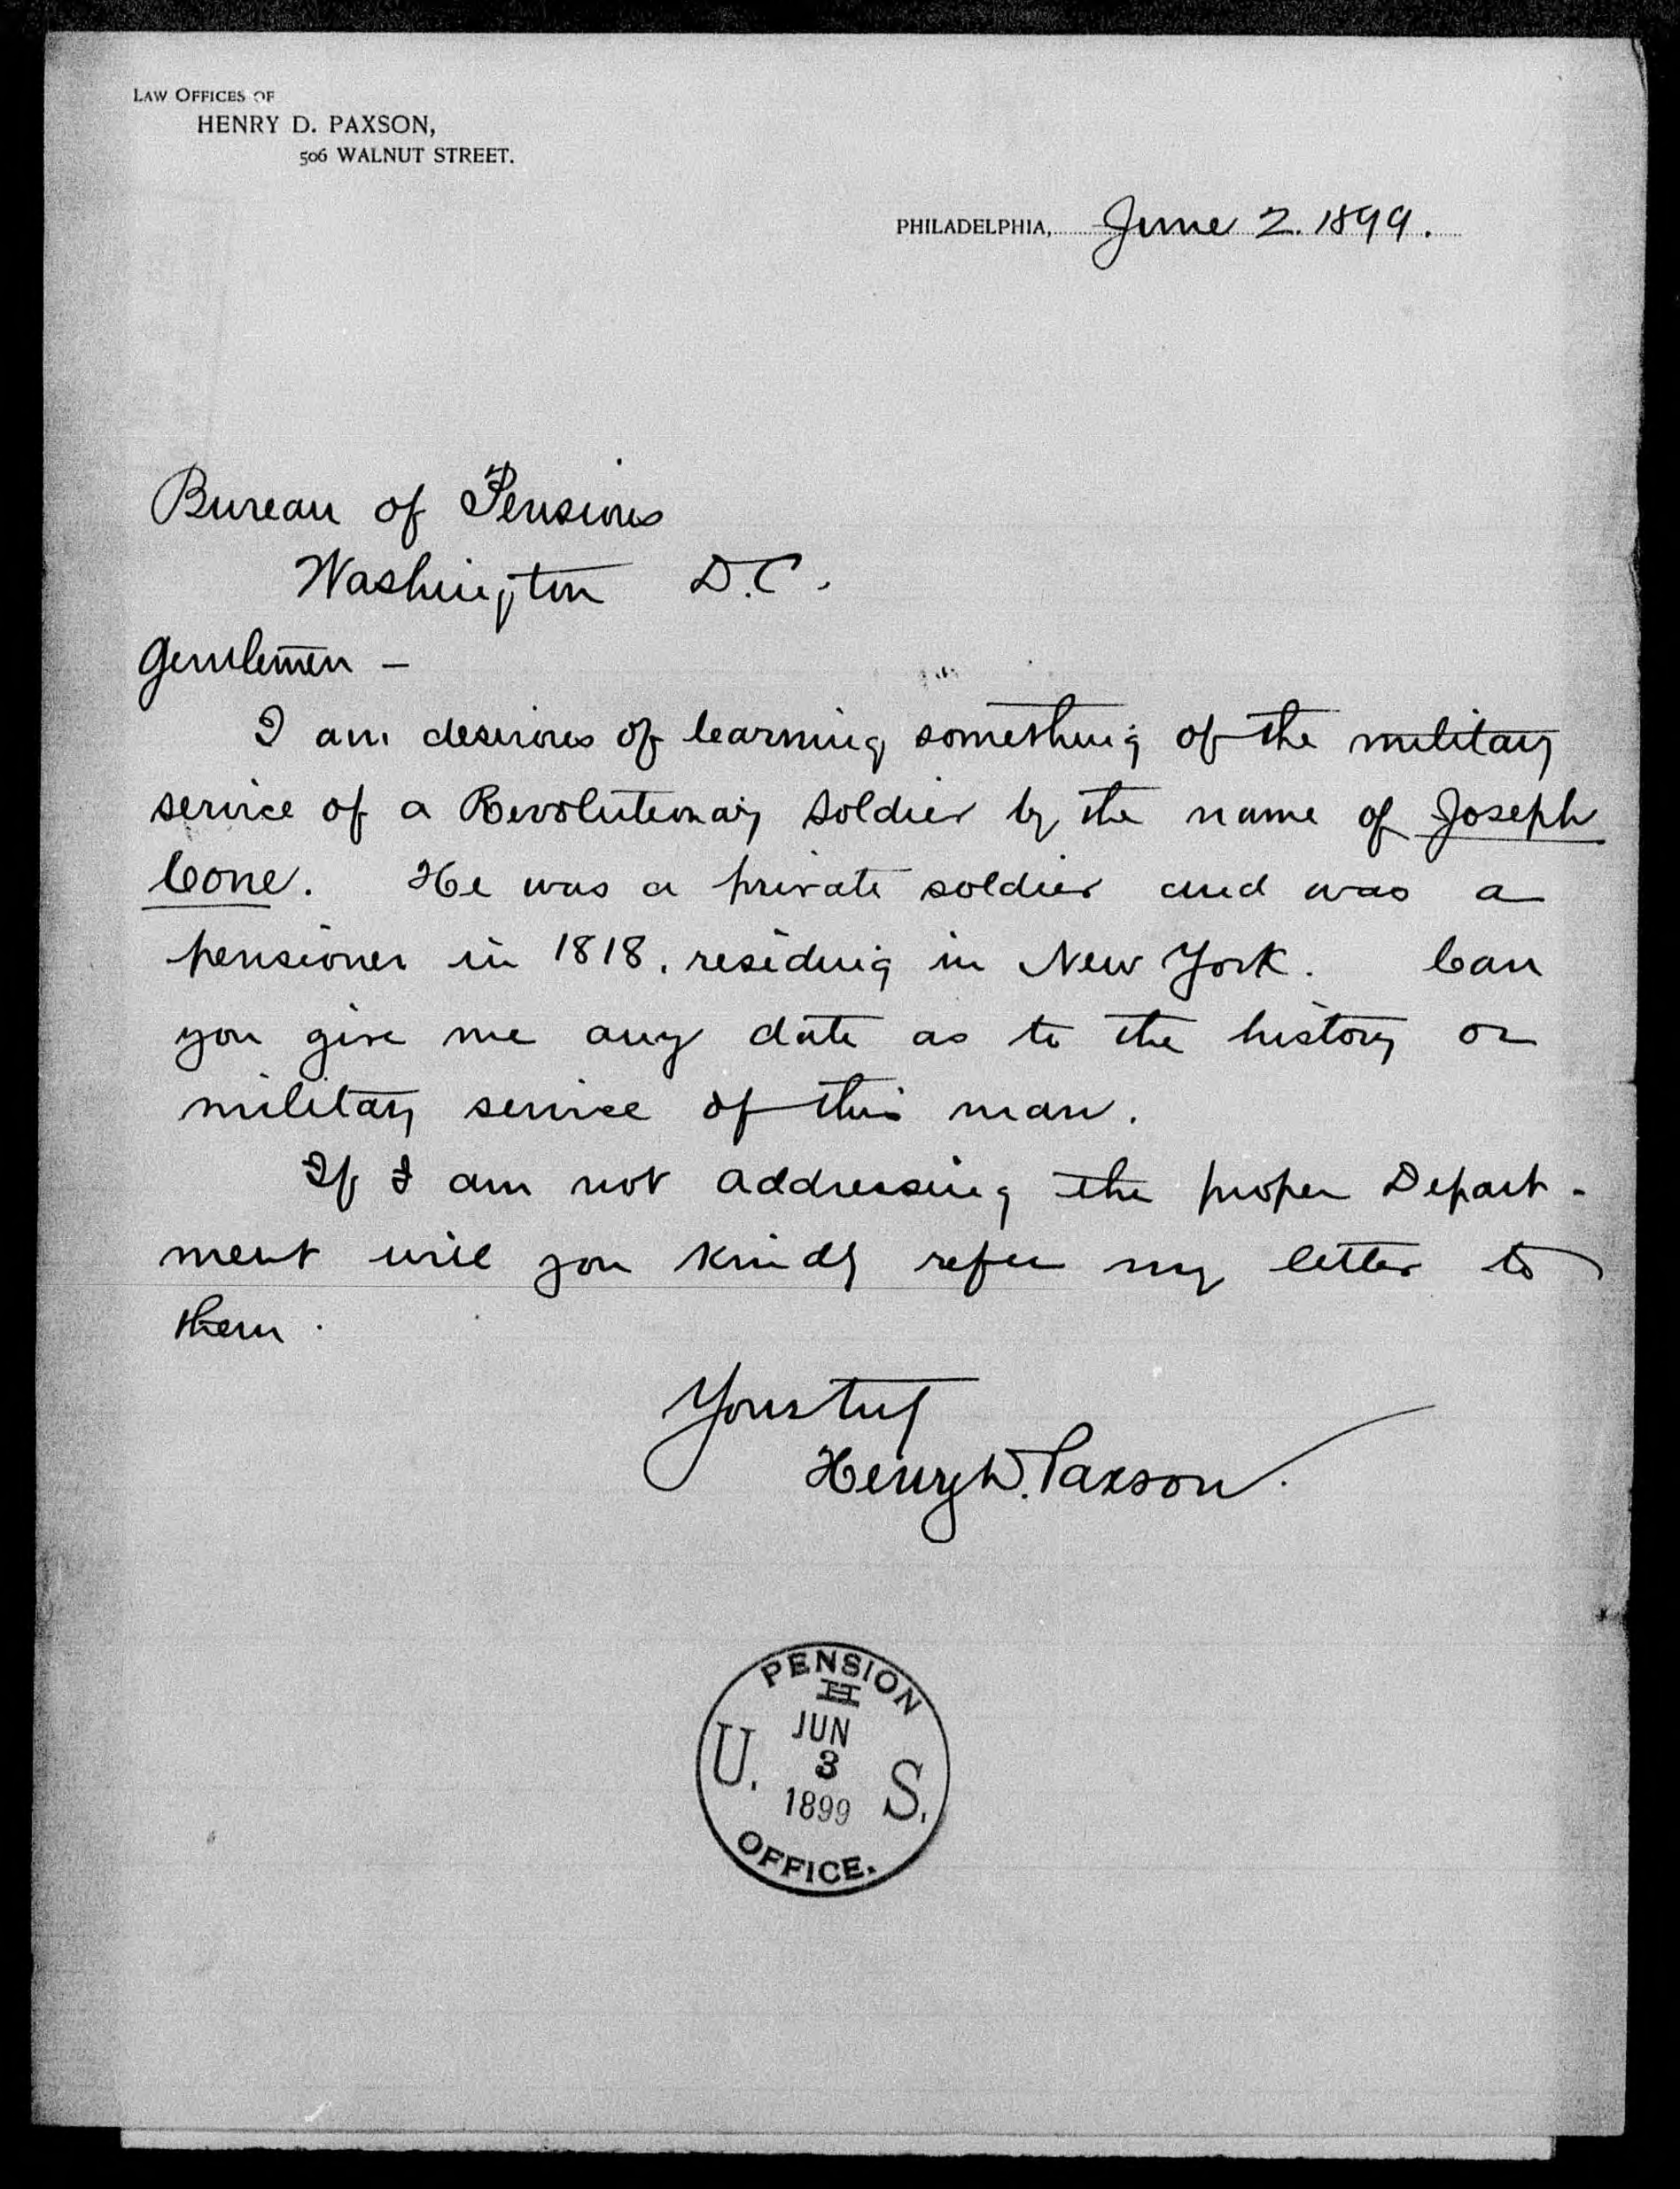LAW OFFICES OF
HENRY D. PAXSON,
506 WALNUT STREET.

PHILADELPHIA June 2. 1899.

Bureau of Pensions
Washington D.C.
Gentlemen-
I am desirous of learning something of the military service of a Revolutionary soldier by the name of Joseph Cone [underlined]. He was a private soldier and was a pensioner in 1818, residing in New York. Can you give me any data as to the history or military service of this man.
If I am not addressing the proper Department will you kindly refer my letter to them.

Yours truly
Henry D. Paxson

[stamp] PENSION
H
JUN
U. 3 S.
1899
OFFICE.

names: Joseph Cone, Henry D Paxson, Henry D Paxson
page: 15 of 28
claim: survivor's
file: S. 12569, Joseph Cone, Conn Continental